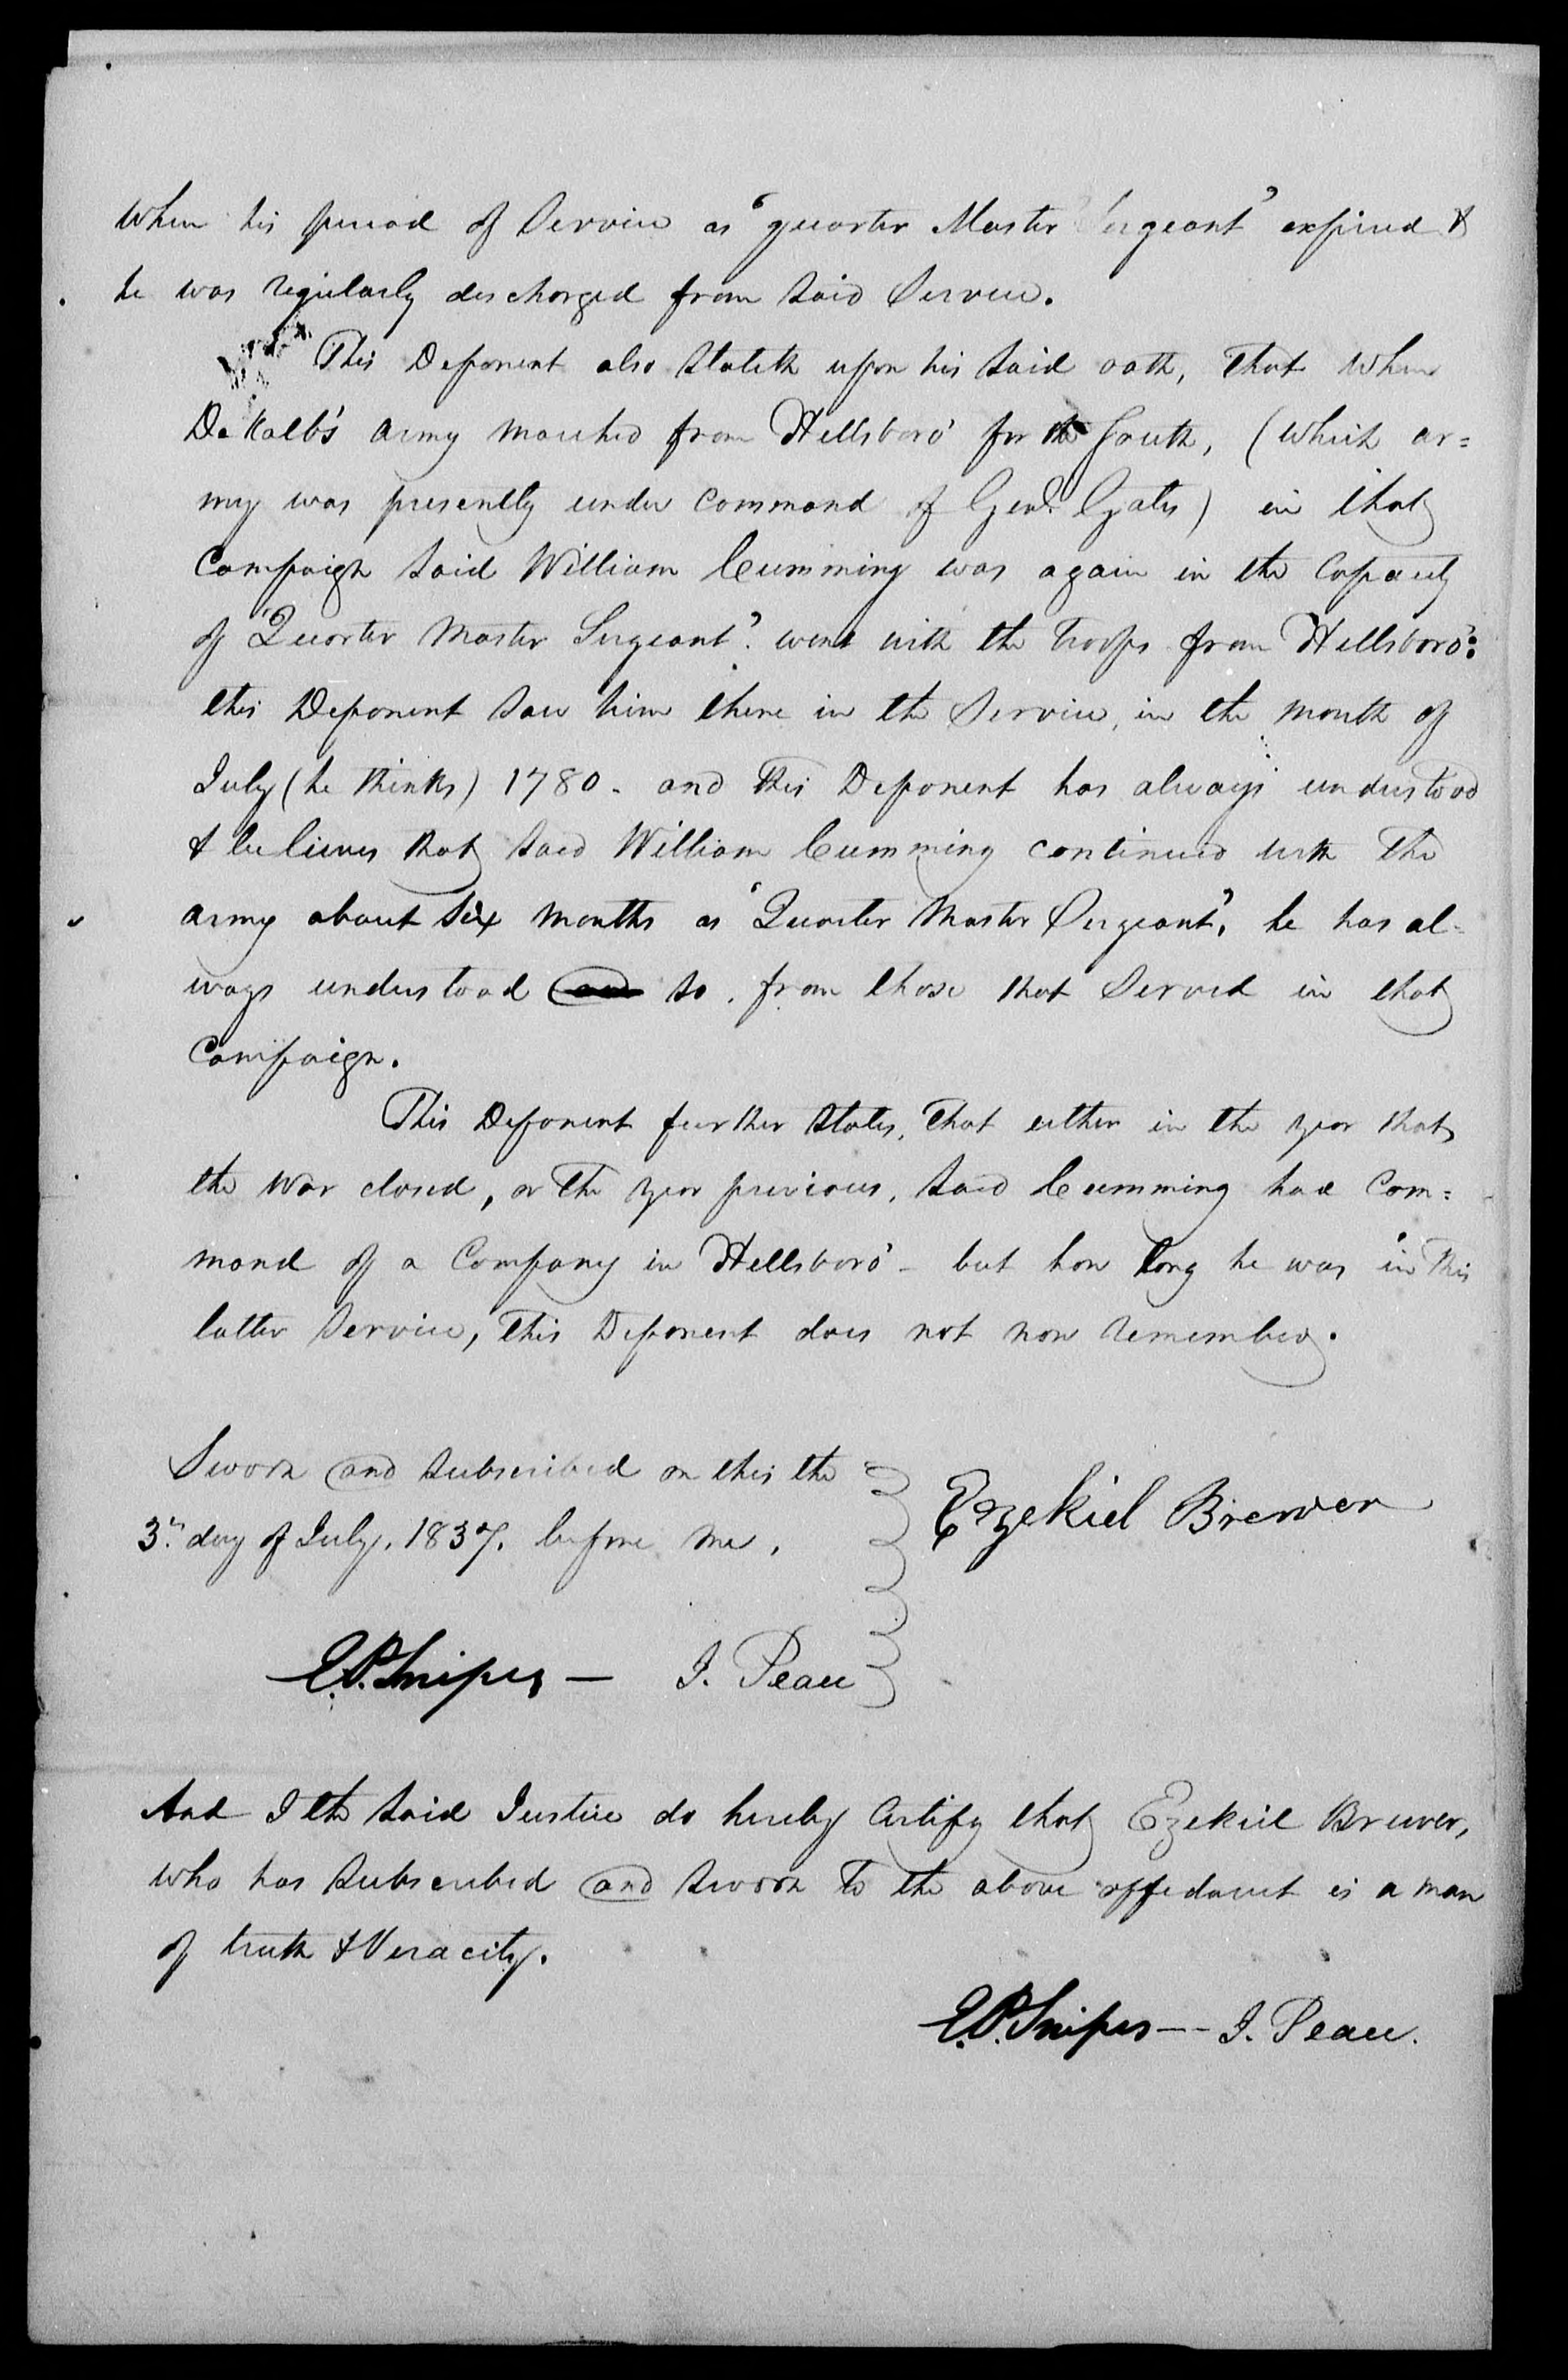[Handwritten record. Second final page of Ezekiel Brewer's statement.  Occasional spacing has been included to make the long text block easier to read.] 

When his period of Service as 'quarter Master Sergeant' expired and he was regularly discharged from Said Service.

This deponent also Stateth upon his Said oath, that when DeKalb's army marched from Hillsboro' for the South, (which army was presently under Command of Genl. Gates) in that Campaign Said William Cumming was again in the Capacity of 'Quarter Master Sergeant.'  went with the troops from Hillsboro': this Deponent Saw him there in the Service, in the month of July (he thinks) 1780. and this Deponent has always understood and believes that Said William Cumming continued with the army about Six months as 'Quarter Master Sergeant,' he has always understood [here the word "and" was stricken through] so. from those that Served in that Campaign. 

This Deponent further States, that either in the year that the War closed, or the year previous, Said Cumming had Command of a Company in Hillsboro' - but how long he was in this latter Service, this Deponent does not now Remember.

[Signature, in darker ink] Ezekiel Brewer

Sworn and Subscribed on this the)
3rd day of July, 1837, before me,)
[Signature in much darker ink, which appears to read:]  E. P. Snipes - J. Peace) [Justice of the Peace]

And I the Said Justice do hereby Certify that Ezekiel Brewer, who has Subscribed and Sworn to the above affidavit is a man of truth and Veracity.

E.P. Snipes - - J. Peace [Justice of the Peace]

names: William Cumming, Ezekiel Brewer, Cumming, E P Snipes, Ezekiel Brewer, Gates, William Cumming, E P Snipes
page: 116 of 145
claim: survivor's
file: S. 8265, William Cumming, N.C.